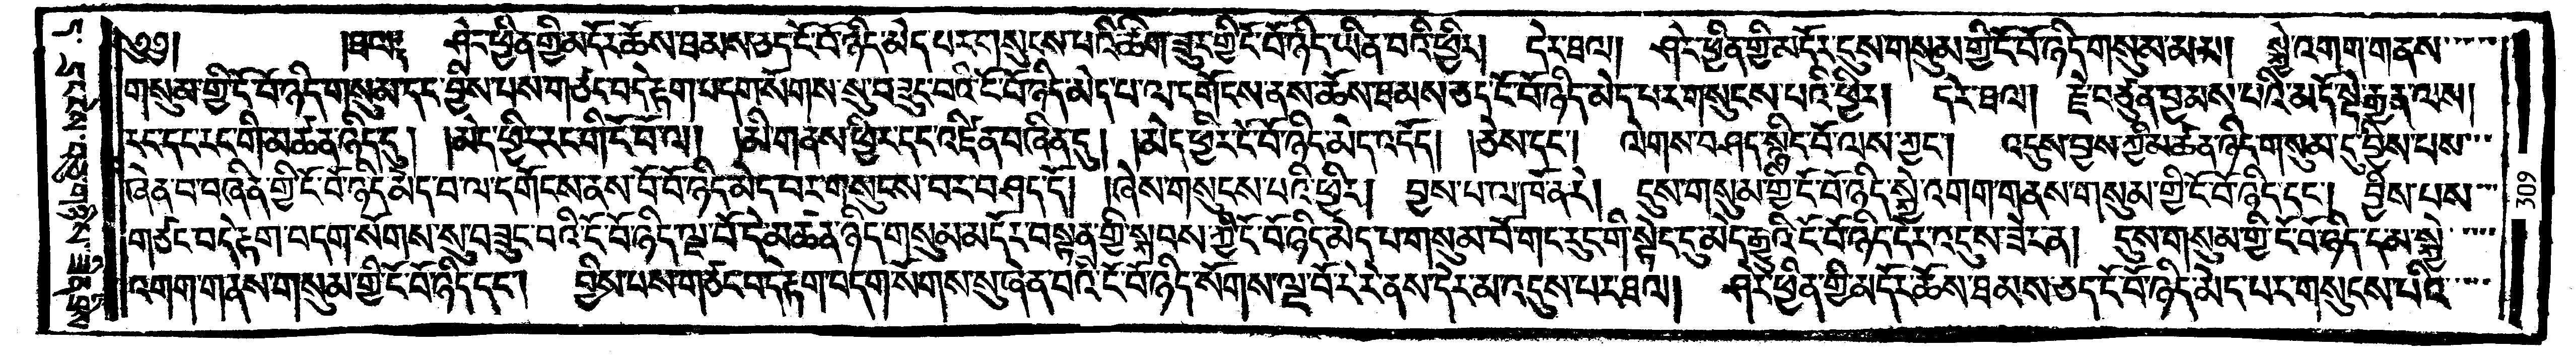༄༅། །ཐལ༑ ཤེར་ཕྱིན་གྱི་མདོར་ཆོས་ཐམས་ཅད་ངོ་བོ་ཉིད་མེད་པར་གསུངས་པའི་ཚིག་ཟུར་གྱི་ངོ་བོ་ཉིད་ཡིན་པའི་ཕྱིར། དེར་ཐལ། ཤེར་ཕྱིན་གྱི་མདོར་དུས་གསུམ་གྱི་ངོ་བོ་ཉིད་གསུམ་མམ། སྐྱེ་འགག་གནས་
གསུམ་གྱི་ངོ་བོ་ཉིད་གསུམ་དང་བྱིས་པས་གཙང་བདེ་རྟག་བདག་སོགས་སུ་བཟུང་བའི་ངོ་བོ་ཉིད་མེད་པ་ལ་དགོངས་ནས་ཆོས་ཐམས་ཅད་ངོ་བོ་ཉིད་མེད་པར་གསུངས་པའི་ཕྱིར། དེར་ཐལ། རྗེ་བཙུན་བྱམས་པའི་མདོ་སྡེ་རྒྱན་ལས།
རང་དང་རང་གི་མཚན་ཉིད་དུ། །མེད་ཕྱིར་རང་གི་ངོ་བོ་ལ། །མི་གནས་ཕྱིར་དང་འཛིན་བཞིན་དུ། །མེད་ཕྱིར་ངོ་བོ་ཉིད་མེད་འདོད། །ཅེས་དང་། ལེགས་བཤད་སྙིང་པོ་ལས་ཀྱང་། འདུས་བྱས་ཀྱི་མཚན་ཉིད་གསུམ་དུ་བྱིས་པས་
ཞེན་པ་བཞིན་གྱི་ངོ་བོ་ཉིད་མེད་པ་ལ་དགོངས་ནས་ངོ་བོ་ཉིད་མེད་པར་གསུངས་པར་བཤད་དོ། །ཞེས་གསུངས་པའི་ཕྱིར། བྱས་པ་ལ་ཁོ་ན་རེ། དུས་གསུམ་གྱི་ངོ་བོ་ཉིད་སྐྱེ་འགག་གནས་གསུམ་གྱི་ངོ་བོ་ཉིད་དང་། བྱིས་པས་
གཙང་བདེ་རྟག་བདག་སོགས་སུ་བཟུང་བའི་ངོ་བོ་ཉིད་ལྔ་པོ་དེ་མཚན་ཉིད་གསུམ་མདོར་བསྟན་གྱི་སྐབས་ཀྱི་ངོ་བོ་ཉིད་མེད་པ་གསུམ་པོ་གང་རུང་གི་སྟེང་དུ་མེད་རྒྱུའི་ངོ་བོ་ཉིད་དེར་འདུས་ཟེར་ན། དུས་གསུམ་གྱི་ངོ་བོ་ཉིད་དམ་སྐྱེ་
འགག་གནས་གསུམ་གྱི་ངོ་བོ་ཉིད་དང་། བྱིས་པས་གཙང་བདེ་རྟག་བདག་སོགས་སུ་ཞེན་པའི་ངོ་བོ་ཉིད་སོགས་ལྔ་པོ་རེ་རེ་ནས་དེར་མ་འདུས་པར་ཐལ། ཤེར་ཕྱིན་གྱི་མདོར་ཆོས་ཐམས་ཅད་ངོ་བོ་ཉིད་མེད་པར་གསུངས་པའི་